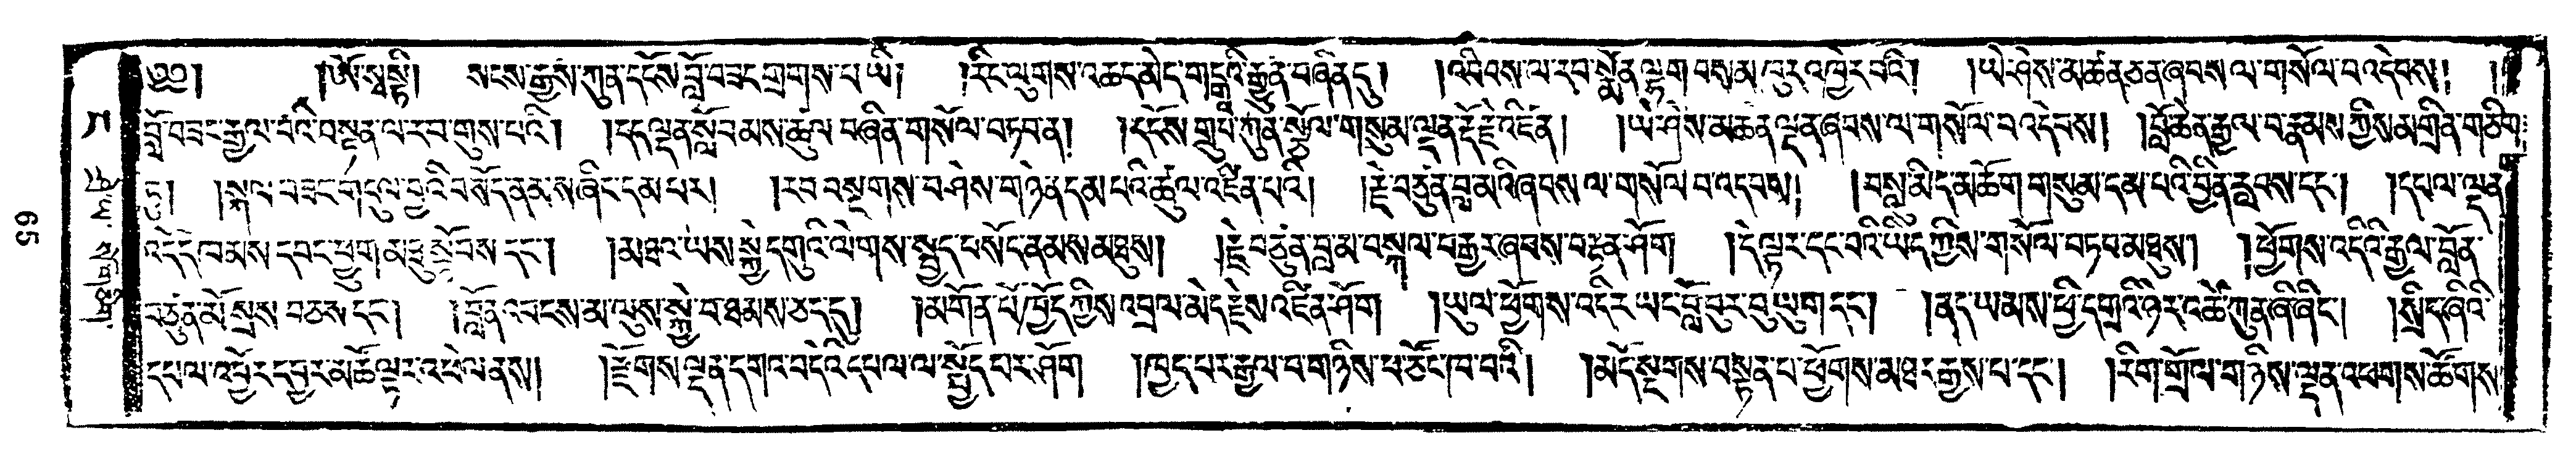༄༅། །ཨོཾ་སྭསྟི། སངས་རྒྱས་ཀུན་དངོས་བློ་བཟང་གྲགས་པ་ཡི། །རིང་ལུགས་འཆད་མེད་གངྒའི་རྒྱུན་བཞིན་དུ། །འབི་བས་ལ་རབ་སྨོན་ལྷག་བསམ་ཁུར་འཁྱེར་བའི། །ཡེ་ཤེས་མཚན་ཅན་ཞབས་ལ་གསོལ་བ་འདེབས། །
བློ་བཟང་རྒྱལ་བའི་བསྟན་ལ་རབ་གུས་པའི། །དད་ལྡན་སློབ་མས་ཚུལ་བཞིན་གསོལ་བཏབ་ན། །དངོས་གྲུབ་ཀུན་སྩོལ་གསུམ་ལྡན་རྡོ་རྗེ་འཛིན། །ཡེ་ཤེས་མཚན་ལྡན་ཞབས་ལ་གསོལ་བ་འདེབས། །བློ་ཆེན་རྒྱལ་བ་རྣམས་ཀྱིས་མགྲིན་གཅིག་
ཏུ། །སྐལ་བཟང་གདུལ་བྱའི་བསོད་ནམས་ཞིང་དམ་པར། །རབ་བསྔགས་བཤེས་གཉེན་དམ་པའི་ཚུལ་འཛིན་པའི། །རྗེ་བཙུན་བླ་མའི་ཞབས་ལ་གསོལ་བ་འདབས། །བསླུ་མིད་མཆོག་གསུམ་དམ་པའི་བྱིན་རླབས་དང་། །དཔལ་ལྡན་
འདོད་ཁམས་དབང་ཕྱུག་མཐུ་སྟོབས་དང་། །མཐའ་ཡས་སྐྱེ་དགུའི་ལེགས་སྦྱད་བསོད་ནམས་མཐུས། །རྗེ་བཙུན་བླ་མ་བསྐལ་བ་རྒྱར་ཞབས་བརྟན་ཤོག །དེ་ལྟར་དང་བའི་ཡིད་ཀྱིས་གསོལ་བཏབ་མཐུས། །ཕྱོགས་འདིའི་རྒྱལ་བློན་
བཙུན་མོ་སྲས་བཅས་དང་། །བློན་འབངས་མ་ལུས་སྐྱེ་བ་ཐམས་ཅད་དུ། །མགོན་པོ་ཁྱོད་ཀྱིས་འབྲལ་མེད་རྗེས་འཛིན་ཤོག །ཡུལ་ཕྱོགས་འདིར་ཡང་བློ་བུར་བུ་ཡུག་དང་། །ནད་ཡམས་ཕྱི་དགྲའི་ཉེར་འཚེ་ཀུན་ཞི་ཞིང་། །སྲིད་ཞིའི་
དཔལ་འབྱོར་དབྱར་མཚོ་ལྟར་འཕེལ་ནས། །རྫོགས་ལྡན་དགའ་བདེའི་དཔལ་ལ་སྤྱོད་པར་ཤོག །ཁྱད་པར་རྒྱལ་བ་གཉིས་པ་ཙོང་ཁ་བའི། །མདོ་སྔགས་བསྟན་པ་ཕྱོགས་མཐར་རྒྱས་པ་དང་། །རིག་གྲོལ་གཉིས་ལྡན་འཕགས་ཚོགས་